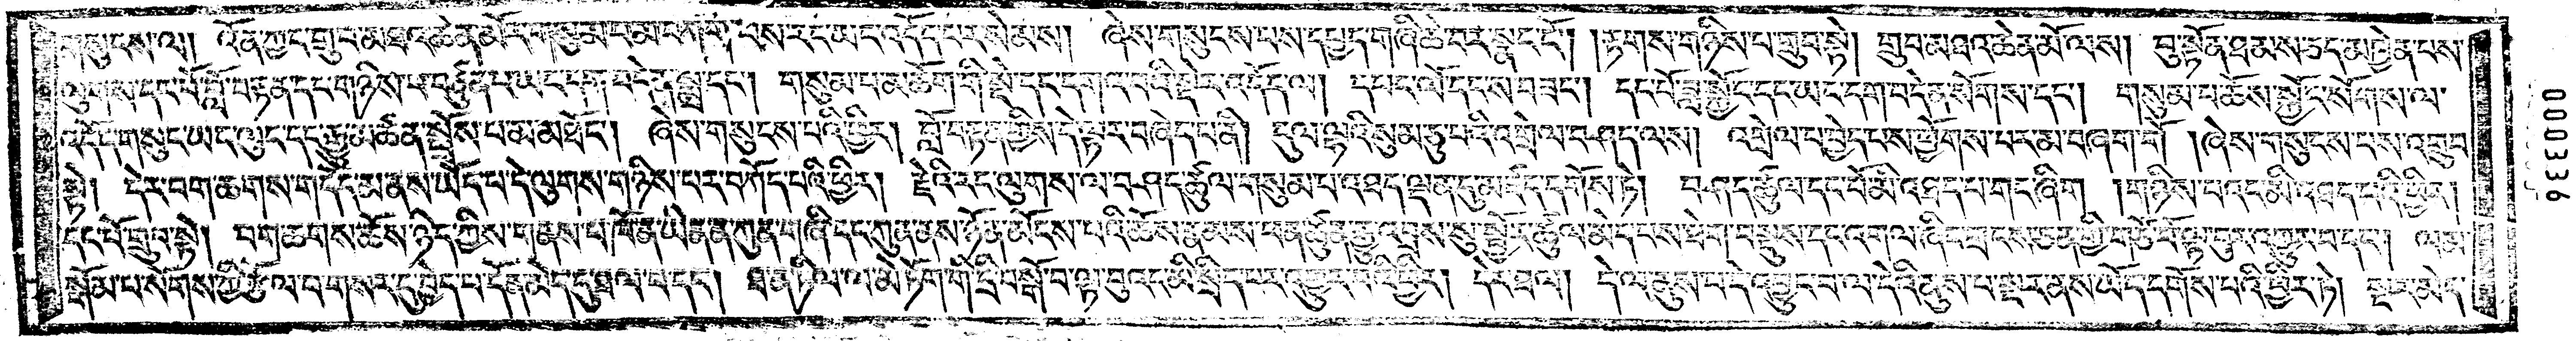གསུངས་ལ། འོན་ཀྱང་གྲུབ་མཐའ་ཆེན་མོར་གསུམ་བམ་བཀག་པས་རང་ཡང་འདོད་པར་སེམས། ཞེས་གསུངས་པས་དཔྱད་གཞི་ཆེ་བར་སྣང་ངོ། །རྟགས་གཉིས་པ་གྲུབ་སྟེ། གྲུབ་མཐའ་ཆེན་མོ་ལས། བུ་སྟོན་ཐམས་ཅད་མཁྱེན་པས་
ལུགས་དང་པོ་བློ་བརྟན་དང་གཉིས་པ་བཙུན་པ་ཡང་དག་བདེན་སྨྲ་དང་། གསུམ་པ་མཆོག་གི་སྡེ་དང་དགའ་བའི་སྡེར་འདོད་ལ། དབང་ལོ་དང་ས་བཟང་། དང་པོ་ཟླ་སྐྱོང་དང་ཡང་དག་བདེན་སོགས་དང་། གསུམ་པ་ཆོས་སྐྱོང་སོགས་ལ་
འདོད་གསུང་ཡང་ལུང་དང་རྒྱུ་མཚན་སྤྲོས་པ་མ་མཐོང་། ཞེས་གསུངས་པའི་ཕྱིར། བློ་བརྟན་གྱིས་དེ་ལྟར་བཞེད་པ་ནི། དུལ་ལྷའི་སུམ་ཅུ་པའི་འགྲེལ་བཤད་ལས། འགྲེལ་པ་བྱེད་པས་ཕྱོགས་པར་མ་བཞག་གོ །ཞེས་གསུངས་པས་འགྲུབ་
སྟེ། དེར་བག་ཆགས་གདོད་མ་ནས་ཡོད་པ་དེ་ལུགས་གཉིས་པར་བཀོད་པའི་ཕྱིར། རྗེའི་རང་ལུགས་ལ་བཤད་ཚུལ་གསུམ་པ་འཐད་ལྡན་དུ་མཛད་དགོས་ཏེ། བཤད་ཚུལ་དང་པོ་མི་འཐད་པ་གང་ཞིག །གཉིས་པའང་མི་འཐད་པའི་ཕྱིར།
དང་པོ་གྲུབ་སྟེ། བག་ཆགས་ཆོས་ཉིད་ཀྱིས་གནས་པ་ཁོ་ན་ཡིན་ན་ཀུན་གཞི་དང་ཀུན་ནས་ཉོན་མོངས་པའི་ཆོས་རྣམས་ཕན་ཚུན་རྒྱུ་འབྲས་སུ་སྦྱོར་ཚུལ་མེད་བས་ཐེག་བསྡུས་དང་འགལ་ཞིང་གྲངས་ཅན་གྱི་གཙོ་བོ་ལྟ་བུར་འགྱུར་བ་དང་། ལམ་
སྒོམ་པ་སོགས་ཀྱི་རྩོལ་བ་གསར་དུ་བྱེད་པ་དོན་མེད་དུ་ཐལ་བ་དང་། ཐ་ན་ཏིལ་ལ་མེ་ཏོག་གི་དྲི་བསྒོ་བ་ལྟ་བུའང་མི་སྲིད་པར་འགྱུར་བའི་ཕྱིར། དེར་ཐལ། དེ་ལ་ནུས་པ་དེ་འབྱུང་བ་ལ་དེའི་ནུས་པ་སྔར་ནས་ཡོད་དགོས་པའི་ཕྱིར་ཏེ། སྔར་མེད་